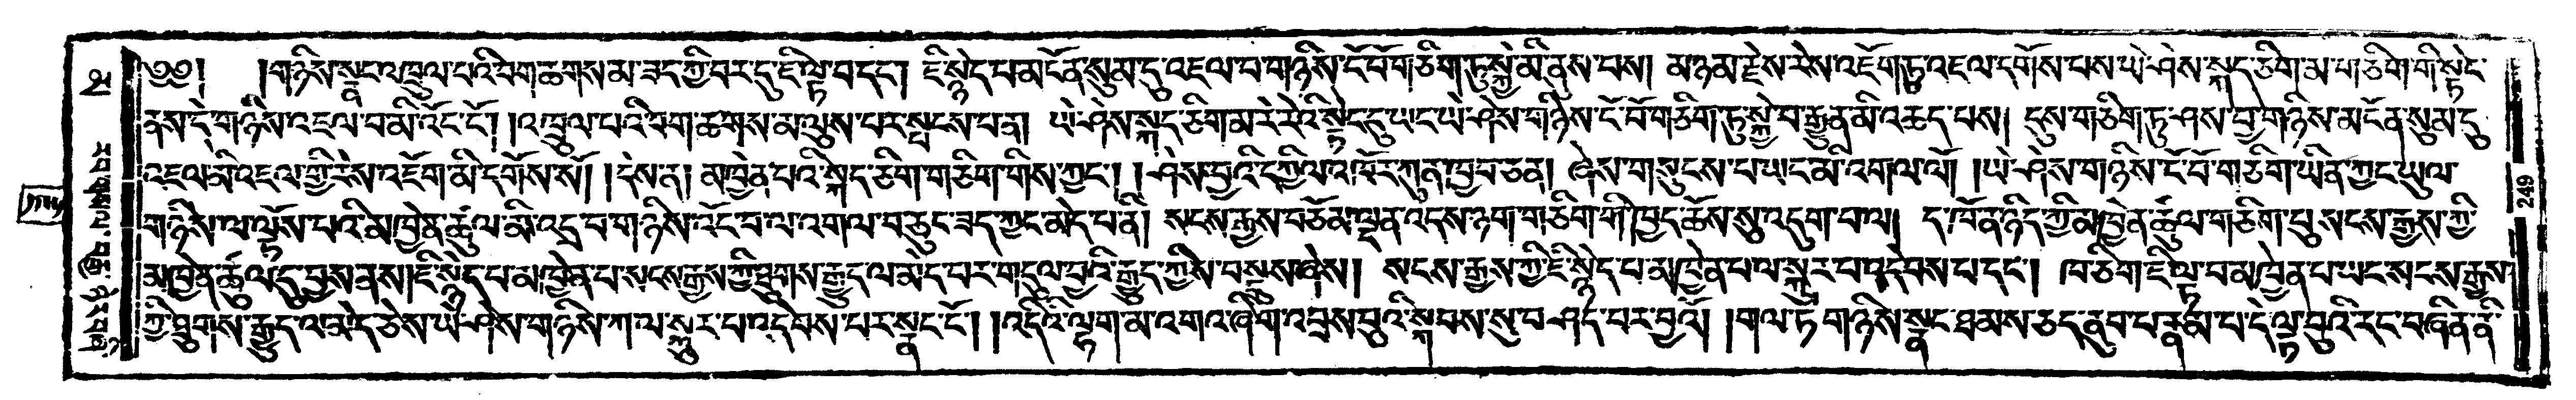༄༅། །གཉིས་སྣང་འཁྲུལ་པའི་བག་ཆགས་མ་ཟད་ཀྱི་བར་དུ་ཇི་ལྟ་བ་དང་། ཇི་སྙེད་པ་མངོན་སུམ་དུ་འཇལ་བ་གཉིས་ངོ་བོ་གཅིག་ཏུ་སྐྱེ་མི་ནུས་པས། མཉམ་རྗེས་རེས་འཇོག་ཏུ་འཇལ་དགོས་པས་ཡེ་ཤེས་སྐད་ཅིག་མ་གཅིག་གི་སྟེང་
ནས་དེ་གཉིས་འཇལ་བ་མི་འོང་ངོ། །འཁྲུལ་པའི་བག་ཆགས་མ་ལུས་པར་སྤངས་པ་ན། ཡེ་ཤེས་སྐད་ཅིག་མ་རེ་རེའི་སྟེང་དུ་ཡང་ཡེ་ཤེས་གཉིས་ངོ་བོ་གཅིག་ཏུ་སྐྱེ་བ་རྒྱུན་མི་ཆད་པས། དུས་གཅིག་ཏུ་ཤེས་བྱ་གཉིས་མངོན་སུམ་དུ་
འཇལ་མི་འཇལ་གྱི་རེས་འཇོག་མི་དགོས་སོ། །དེས་ན། མཁྱེན་པའི་སྐད་ཅིག་གཅིག་གིས་ཀྱང་། །ཤེས་བྱའི་དཀྱིལ་འཁོར་ཀུན་ཁྱབ་ཅན། ཞེས་གསུངས་པ་ཡང་མི་འགལ་ལོ། །ཡེ་ཤེས་གཉིས་ངོ་བོ་གཅིག་ཡིན་ཀྱང་ཡུལ་
གཉིས་ལ་ལྟོས་པའི་མཁྱེན་ཚུལ་མི་འདྲ་བ་གཉིས་འོང་བ་ལ་འགལ་བ་ཅུང་ཟད་ཀྱང་མེད་པ་ནི། སངས་རྒྱས་བཅོམ་ལྡན་འདས་ཉག་གཅིག་གི་ཁྱད་ཆོས་སུ་འདུག་པ་ལ། དེ་ཁོ་ན་ཉིད་ཀྱི་མཁྱེན་ཚུལ་གཅིག་པུ་སངས་རྒྱས་ཀྱི་
མཁྱེན་ཚུལ་དུ་བྱས་ནས། ཇི་སྙེད་པ་མཁྱེན་པ་སངས་རྒྱས་ཀྱི་ཐུགས་རྒྱུད་ལ་མེད་པར་གདུལ་བྱའི་རྒྱུད་ཀྱིས་བསྡུས་ཞེས། སངས་རྒྱས་ཀྱི་ཇི་སྙེད་པ་མཁྱེན་པ་ལ་སྐུར་པ་འདེབས་པ་དང་། ཁ་ཅིག་ཇི་ལྟ་བ་མཁྱེན་པ་ཡང་སངས་རྒྱས་
ཀྱི་ཐུགས་རྒྱུད་ལ་མེད་ཅེས་ཡེ་ཤེས་གཉིས་ཀ་ལ་སྐུར་པ་འདེབས་པར་སྣང་ངོ། །འདིའི་ལྷག་མ་འགའ་ཞིག་འབྲས་བུའི་སྐབས་སུ་བཤད་པར་བྱའོ། །གལ་ཏེ་གཉིས་སྣང་ཐམས་ཅད་ནུབ་པ་རྣམ་པ་དེ་ལྟ་བུའི་རང་བཞིན་ནི་